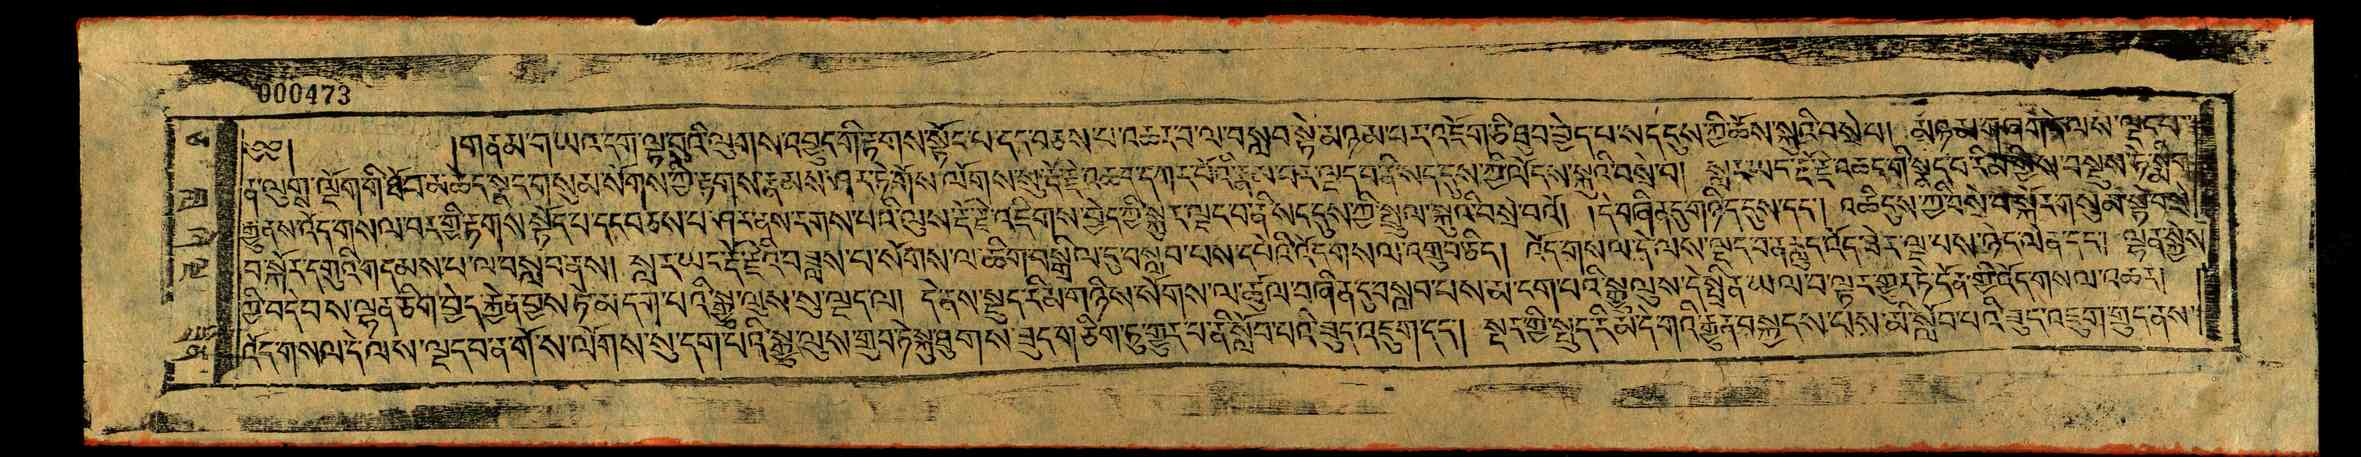༄༅། །གནམ་གཡའ་དག་ལྟ་བུའི་ལུགས་འབྱུང་གི་རྟགས་སྟོང་པ་དང་བཅས་པ་འཆར་བ་ལ་བསླབ་སྟེ་མཉམ་པར་འཇོག་ཅི་ཐུབ་བྱེད་པ་སད་དུས་ཀྱི་ཆོས་སྐུའི་བསྲེ་བ། མཉམ་གཞག་དེ་ལས་ལྡང་བ་
ན་ལུགས་ལྡོག་གི་ཐོབ་མཆེད་སྣང་གསུམ་སོགས་ཀྱི་རྟགས་རྣམས་ཤར་ཏེ་གོས་ལོགས་སུ་རྡོ་རྗེ་འཆང་དཀར་པོའི་རྣམ་པར་ལྡང་བ་ནི་སད་དུས་ཀྱི་ལོངས་སྐུའི་བསྲེ་བ། སླར་ཡང་རྡོ་རྗེ་འཆང་གི་སྣང་བ་རིམ་གྱིས་བསྡུས་ཏེ་སྨིག་
རྒྱུ་ནས་འོད་གསལ་བར་གྱི་རྟགས་སྟོང་པ་དང་བཅས་པ་ཤར་ནས་རགས་པའི་ལུས་རྡོ་རྗེ་འཇིགས་བྱེད་ཀྱི་སྐུར་ལྡང་བ་ནི་སད་དུས་ཀྱི་སྤྲུལ་སྐུའི་བསྲེ་བའོ། །དེ་བཞིན་དུ་གཉིད་དུས་དང་། འཆི་དུས་ཀྱི་བསྲེ་བ་སྐོར་གསུམ་སྟེ་བསྲེ་
བ་སྐོར་དགུའི་གདམས་པ་ལ་བསླབ་ནས། སླར་ཡང་རྡོ་རྗེའི་བཟླས་པ་སོགས་ལ་ཆིག་བསྒྲིལ་དུ་བསླབ་པས་དཔེའི་འོད་གསལ་འགྲུབ་ཅིང་། འོད་གསལ་དེ་ལས་ལྡང་བ་ན་རླུང་འོད་ཟེར་ལྔ་པས་ཉེར་ལེན་དང་། ལྷན་སྐྱེས་
ཀྱི་བདེ་བས་ལྷན་ཅིག་བྱེད་རྐྱེན་བྱས་ཏེ་མ་དག་པའི་སྒྱུ་ལུས་སུ་ལྡང་ལ། དེ་ནས་སྡུད་རིམ་གཉིས་སོགས་ལ་ཚུལ་བཞིན་དུ་བསླབ་པས་མ་དག་པའི་སྒྱུ་ལུས་དེ་སྤྲིན་ཡལ་བ་ལྟར་གྱུར་ཏེ་དོན་གྱི་འོད་གསལ་འཆར།
འོད་གསལ་དེ་ལས་ལྡང་བ་ན་གོ་ས་ལོགས་སུ་དག་པའི་སྒྱུ་ལུས་གྲུབ་ཏེ་སྐུ་ཐུགས་ཟུང་གཅིག་ཏུ་གྱུར་པ་ནི་སློབ་པའི་ཟུང་འཇུག་དང་། སྔར་གྱི་སྡུད་རིམ་དེ་གའི་རྒྱུན་བསྐྱངས་པས་མི་སློབ་པའི་ཟུང་འཇུག་གྲུབ་ནས་